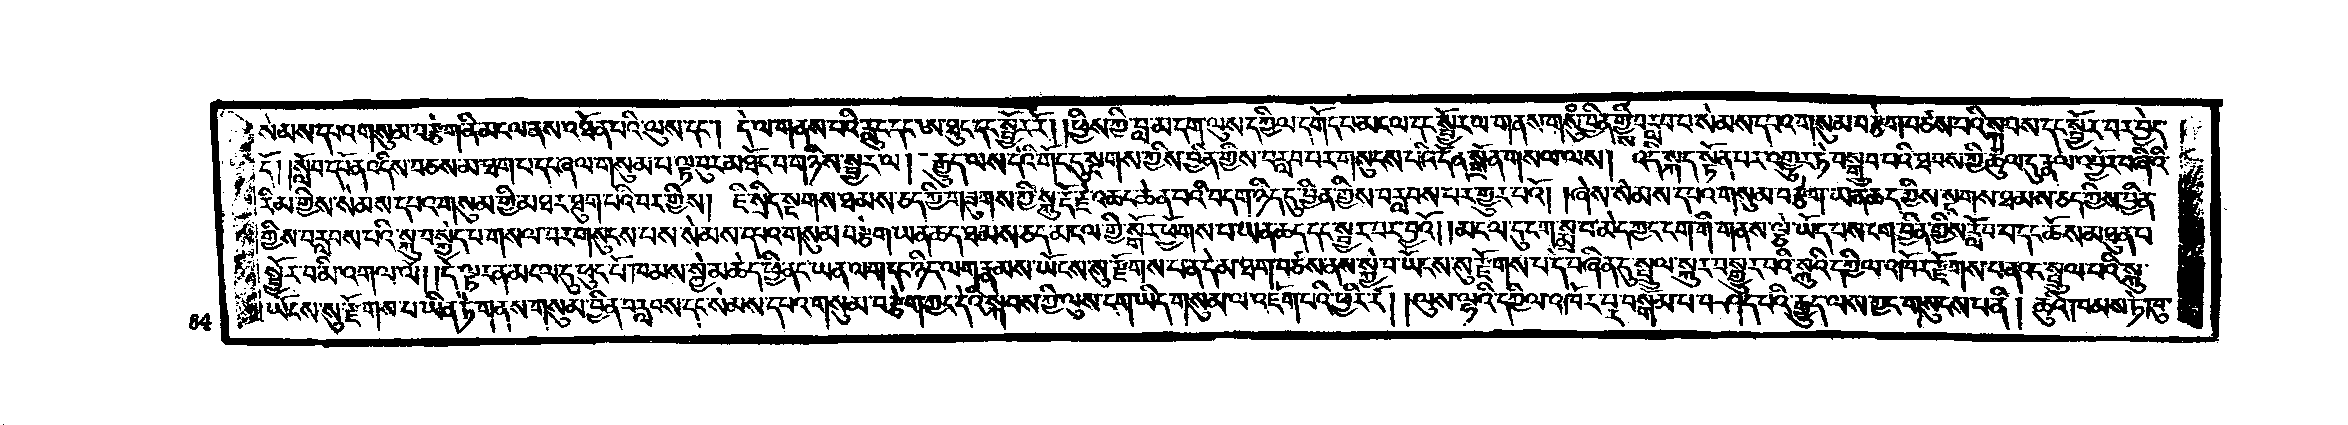སེམས་དཔའ་གསུམ་བརྩེག་ནི་མངལ་ནས་འཐོན་པའི་ལུས་དང་། དེ་ལ་གནས་པའི་རླུང་དང་ཨ་ཐུང་དང་སྦྱར་རོ། །ཕྱིས་ཀྱི་བླ་མ་དག་ལུས་དཀྱིལ་དགོད་པ་མངལ་དང་སྦྱོར་ལ་གནས་གསུམ་བྱིན་གྱིས་བརླབ་པ་སེམས་དཔའ་གསུམ་བརྩེག་བཙས་པའི་སྐབས་དང་སྦྱོར་བར་བྱེད་
དོ། །སློབ་དཔོན་འདིས་བཅོས་མ་ཐག་པ་དང་ཞལ་གསུམ་པ་ལྟ་བུར་མཐོང་བ་གཉིས་སྦྱར་ལ། རྒྱུད་ལས་དེའི་གོང་དུ་སྔགས་ཀྱིས་བྱིན་གྱིས་བརླབ་པར་གསུངས་པའི་དོན་སྒྲོན་གསལ་ལས། འདི་སྐད་སྟོན་པར་འགྱུར་ཏེ་བསྒྲུབ་པའི་ཐབས་ཀྱི་ཚུལ་དུ་རྣལ་འབྱོར་བཞིའི་
རིམ་གྱིས་སེམས་དཔའ་གསུམ་གྱི་མཐར་ཐུག་པའི་བར་གྱིས། ཇི་སྲིད་སྔགས་ཐམས་ཅད་ཀྱི་གཟུགས་ཀྱི་སྐུ་རྡོ་རྗེ་འཆང་ཆེན་པའི་བདག་ཉིད་དུ་བྱིན་གྱིས་བརླབས་པར་གྱུར་པའོ། །ཞེས་སེམས་དཔའ་གསུམ་བརྩེག་ཡན་ཆད་ཀྱིས་སྔགས་ཐམས་ཅད་ཀྱིས་བྱིན་
གྱིས་བརླབས་པའི་སྐུ་བསྐྱེད་པ་གསལ་བར་གསུངས་པས་སེམས་དཔའ་གསུམ་བརྩེག་ཡན་ཆད་ཐམས་ཅད་མངལ་གྱི་སྒོར་ཕྱོགས་པ་ཡན་ཆད་དང་སྦྱར་བར་བྱའོ། །མངལ་དུ་ངག་སྨྲ་བ་མེད་ཀྱང་ངག་གི་གནས་ལྕེ་ཡོད་པས་ངག་བྱིན་གྱིས་རློབ་པ་དང་ཆོས་མཐུན་པ་
སྦྱོར་བ་མི་འགལ་ལོ། །དེ་ལྟར་ན་མངལ་དུ་ཕུང་པོ་ཁམས་སྐྱེ་མཆེད་ཕྱི་ནང་ཡན་ལག་དང་ཉིད་ལག་རྣམས་ཡོངས་སུ་རྫོགས་པ་ན་དེ་མ་ཐག་བཙས་ནས་སྐྱེ་བ་ཡོངས་སུ་རྫོགས་པ་དེ་བཞིན་དུ་ལྶྶྤྲུལ་སྐུར་བསྒྱུར་བའི་སྐུའི་དཀྱིལ་འཁོར་རྫོགས་པ་ནའང་སྤྲུལ་པའི་སྐུ་
ཡོངས་སུ་རྫོགས་པ་ཡིན་ཏེ་གནས་གསུམ་བྱིན་བརླབས་དང་སེམས་དཔའ་གསུམ་བརྩེགས་ཀྱང་དེའི་སྐབས་ཀྱི་ལུས་ངག་ཡིད་གསུམ་ལ་འཇོག་པའི་ཕྱིར་རོ། །ལུས་ལྷའི་དཀྱིལ་འཁོར་པར་བསྒོམ་པ་བཤད་པའི་རྒྱུད་ལས་ཀྱང་གསུངས་པ་ནི། ཆུའི་ཁམས་ཏེ་ཁུ་